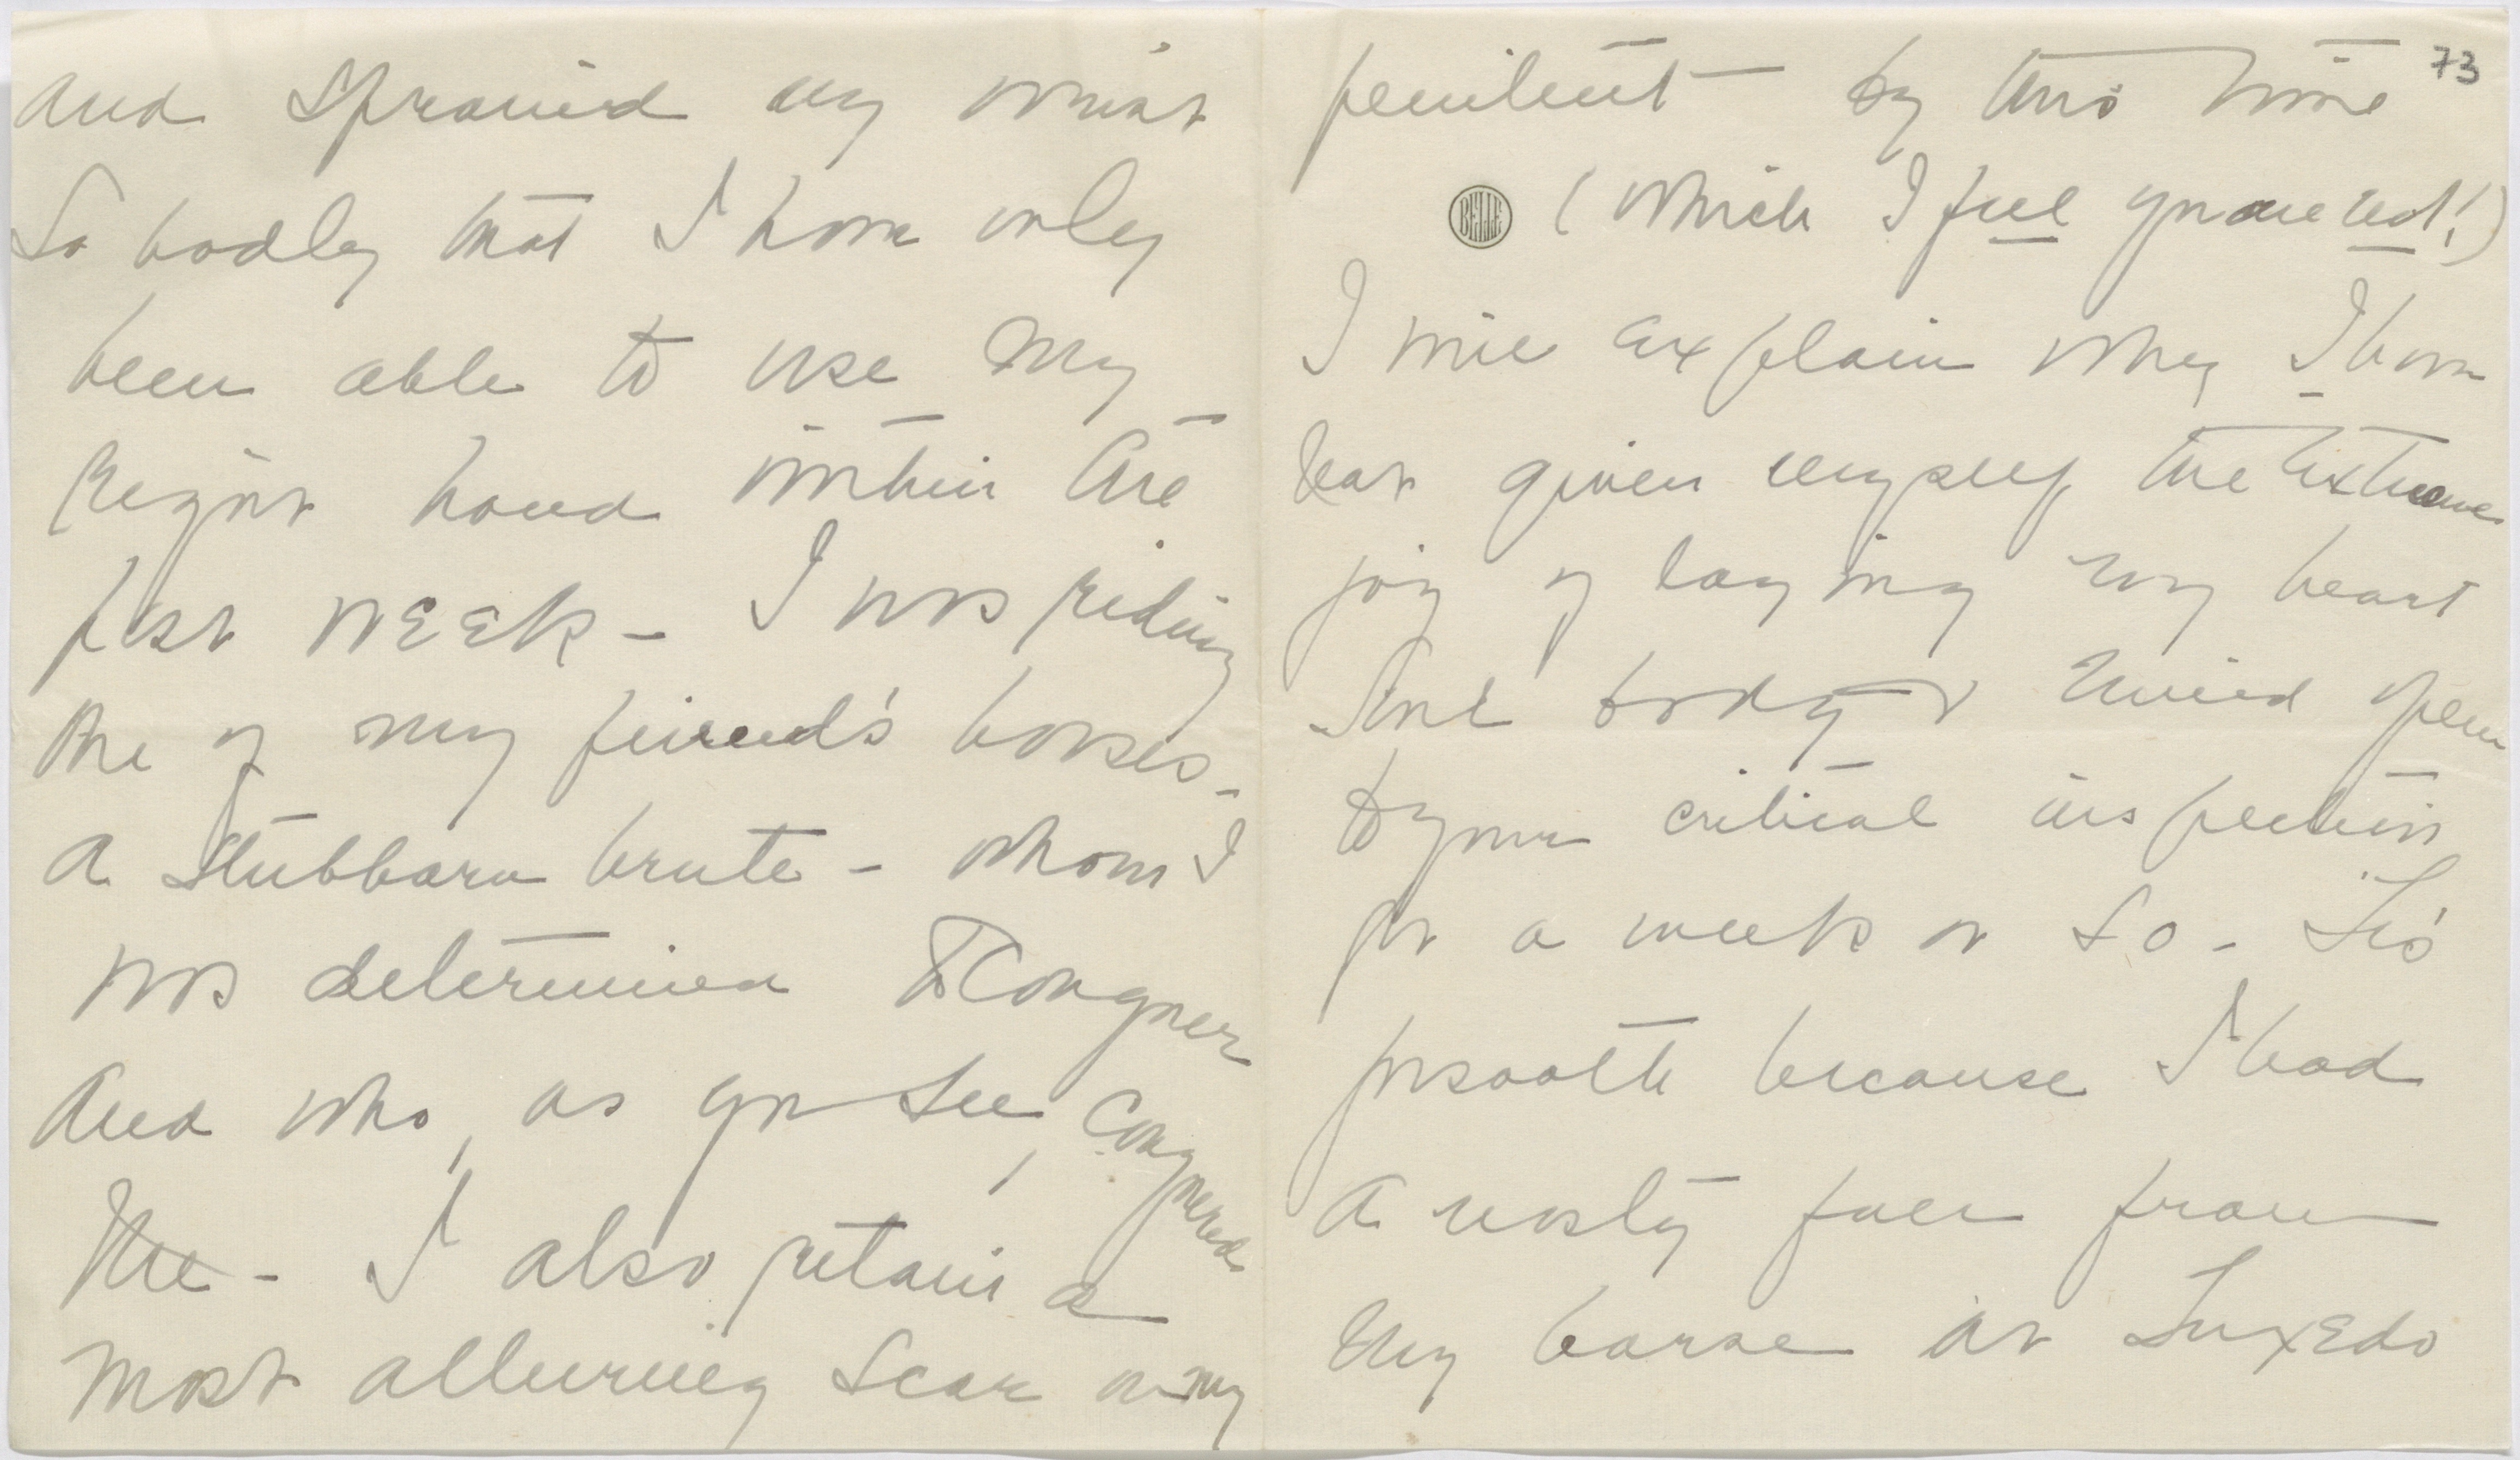penitent by this time (which I feel you are not!) I will explain why I have not given myself the extreme joy of laying my heart soul body & mind open to your critical inspection for a week or so – ‘Tis forsooth because I had a nasty fall from my horse at Tuxedo
and sprained my wrist so badly that I have only been able to use my right hand within the past week – I was riding one of my friend’s horses – a stubborn brute – whom I was determined to conquer and who as you see, conquered me – I also retain a most alluring scar on my